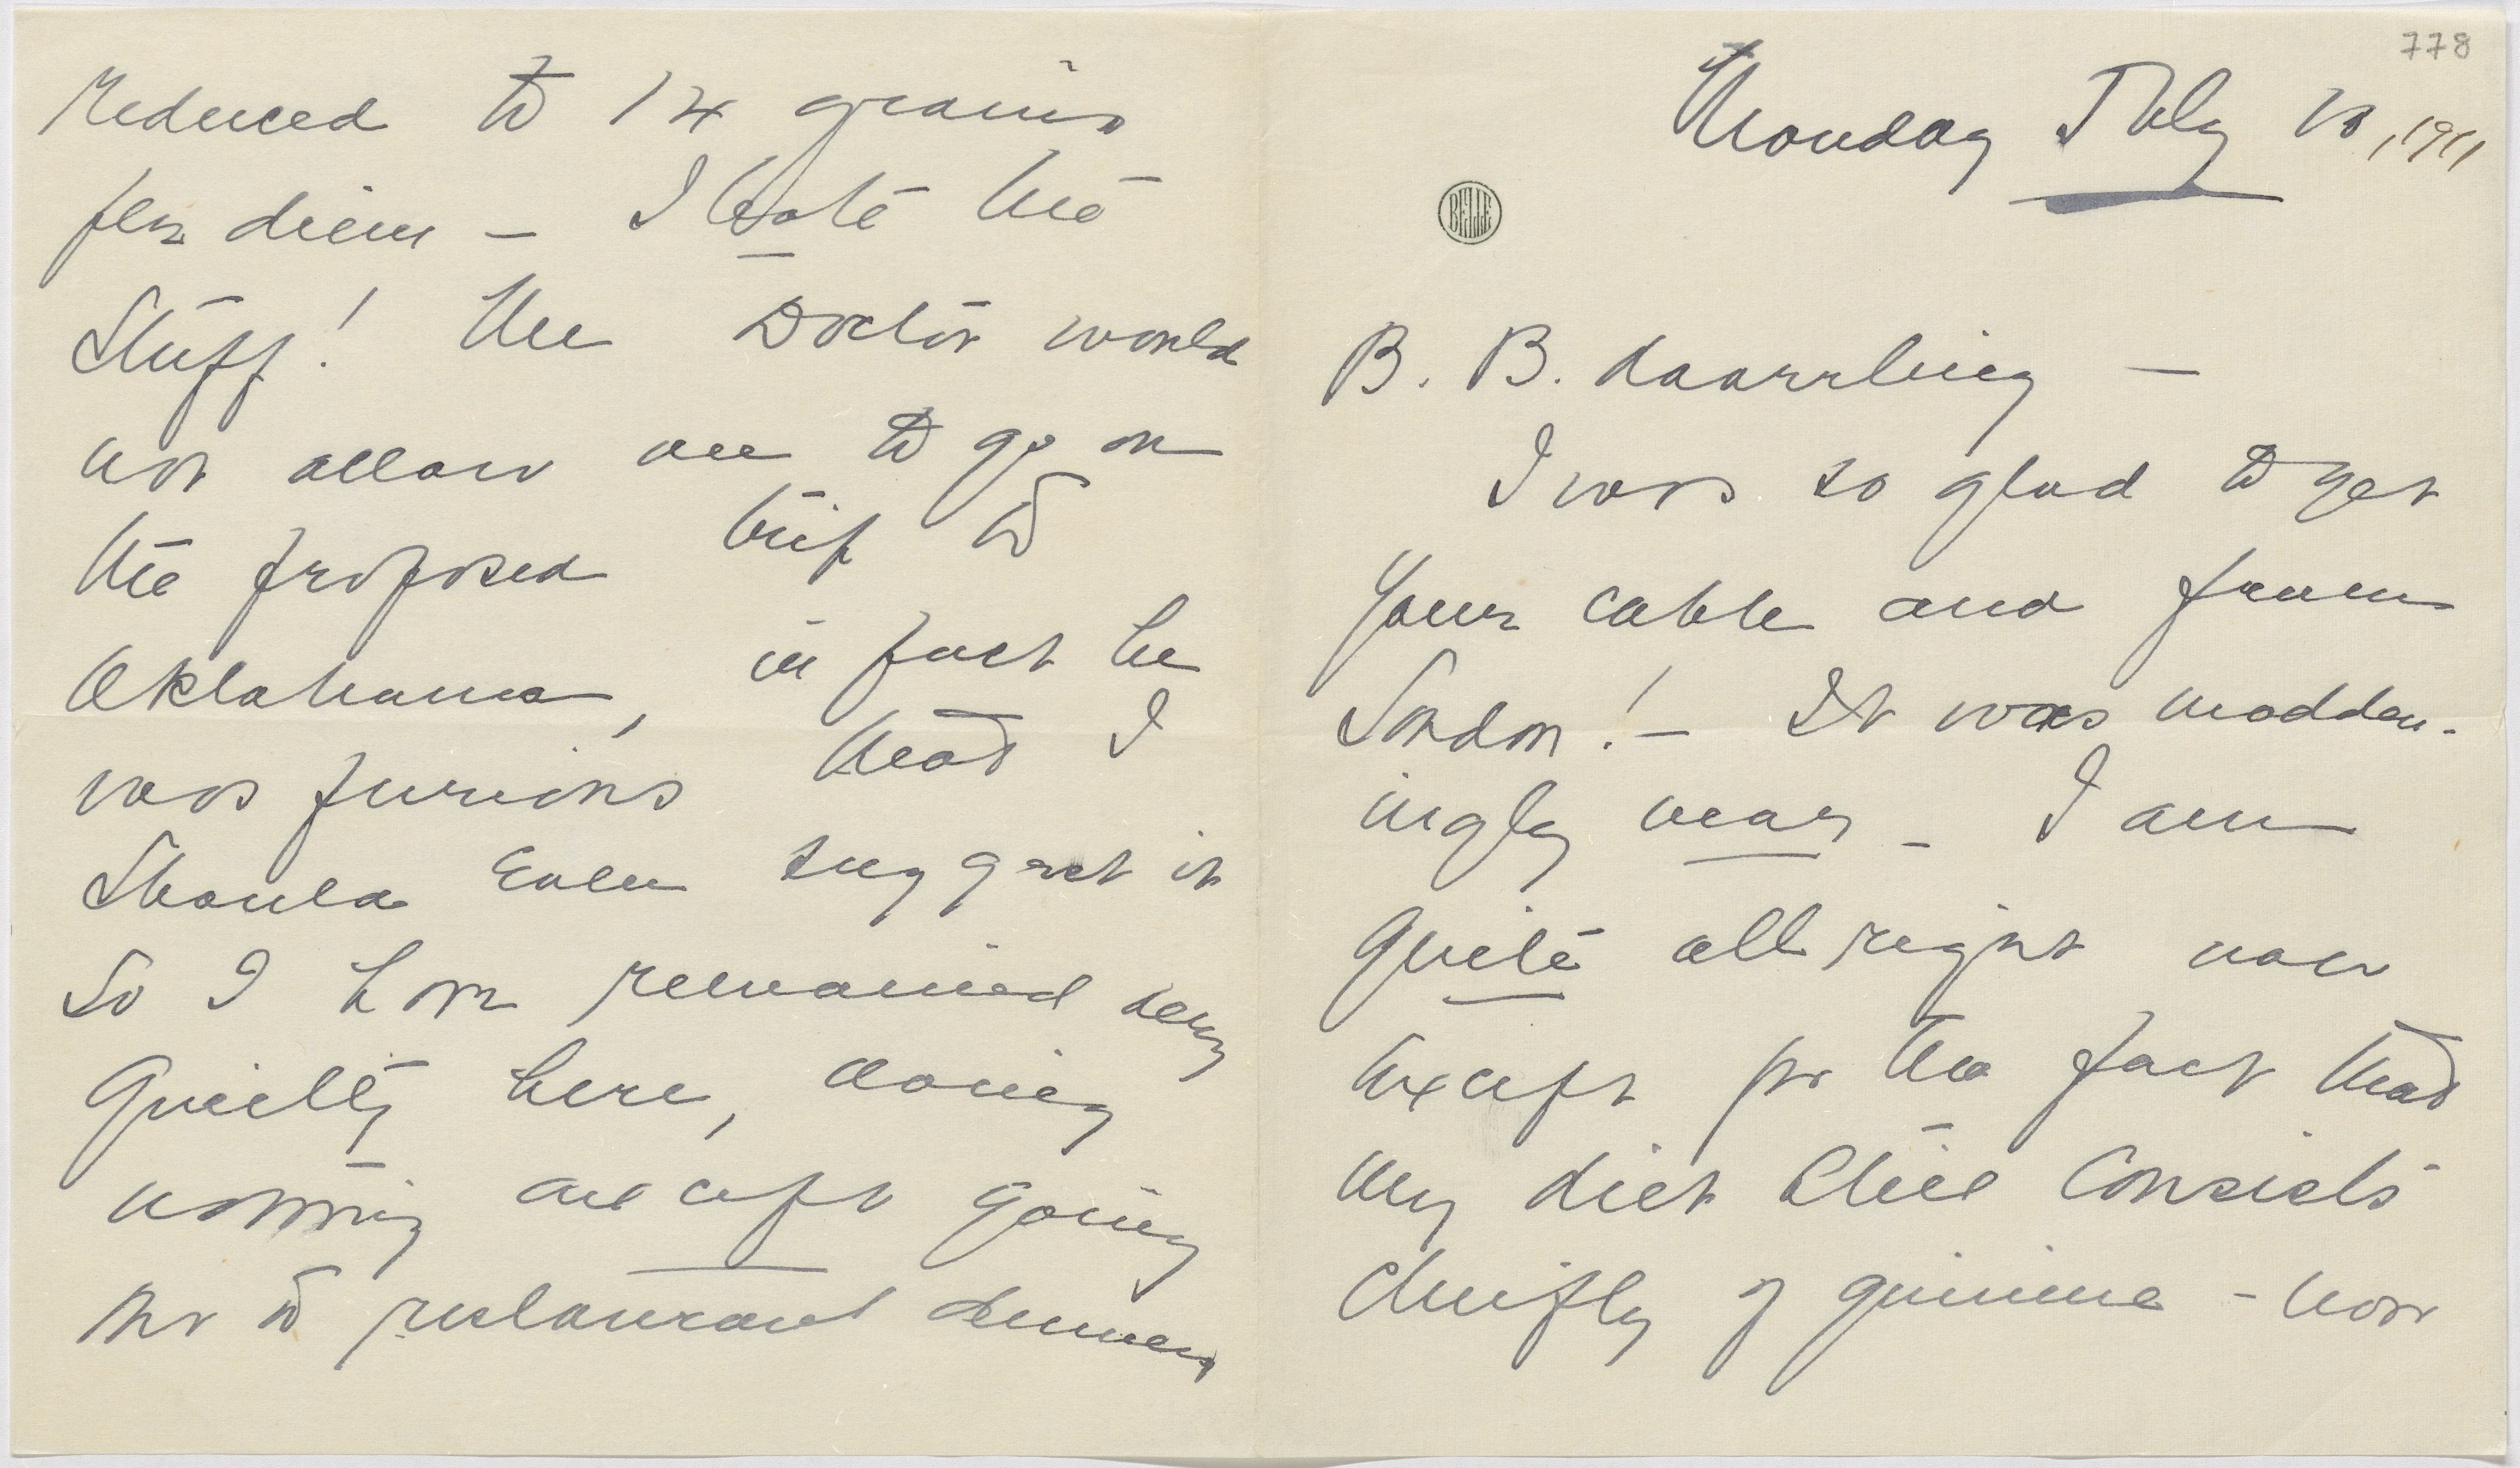Monday July 17
⸺
B. B. daarrling –
I was so glad to get your cable and from London! – It was maddeningly near – I am quite all right now except for the fact that my diet still consists chiefly of quinine – now
reduced to 14 grains per diem – I hate the stuff! The Doctor would not allow me to go on the proposed trip to Oklahoma, in fact he was furious that I should even suggest it so I have remained very quietly here, doing nothing except going out to restaurant dinners